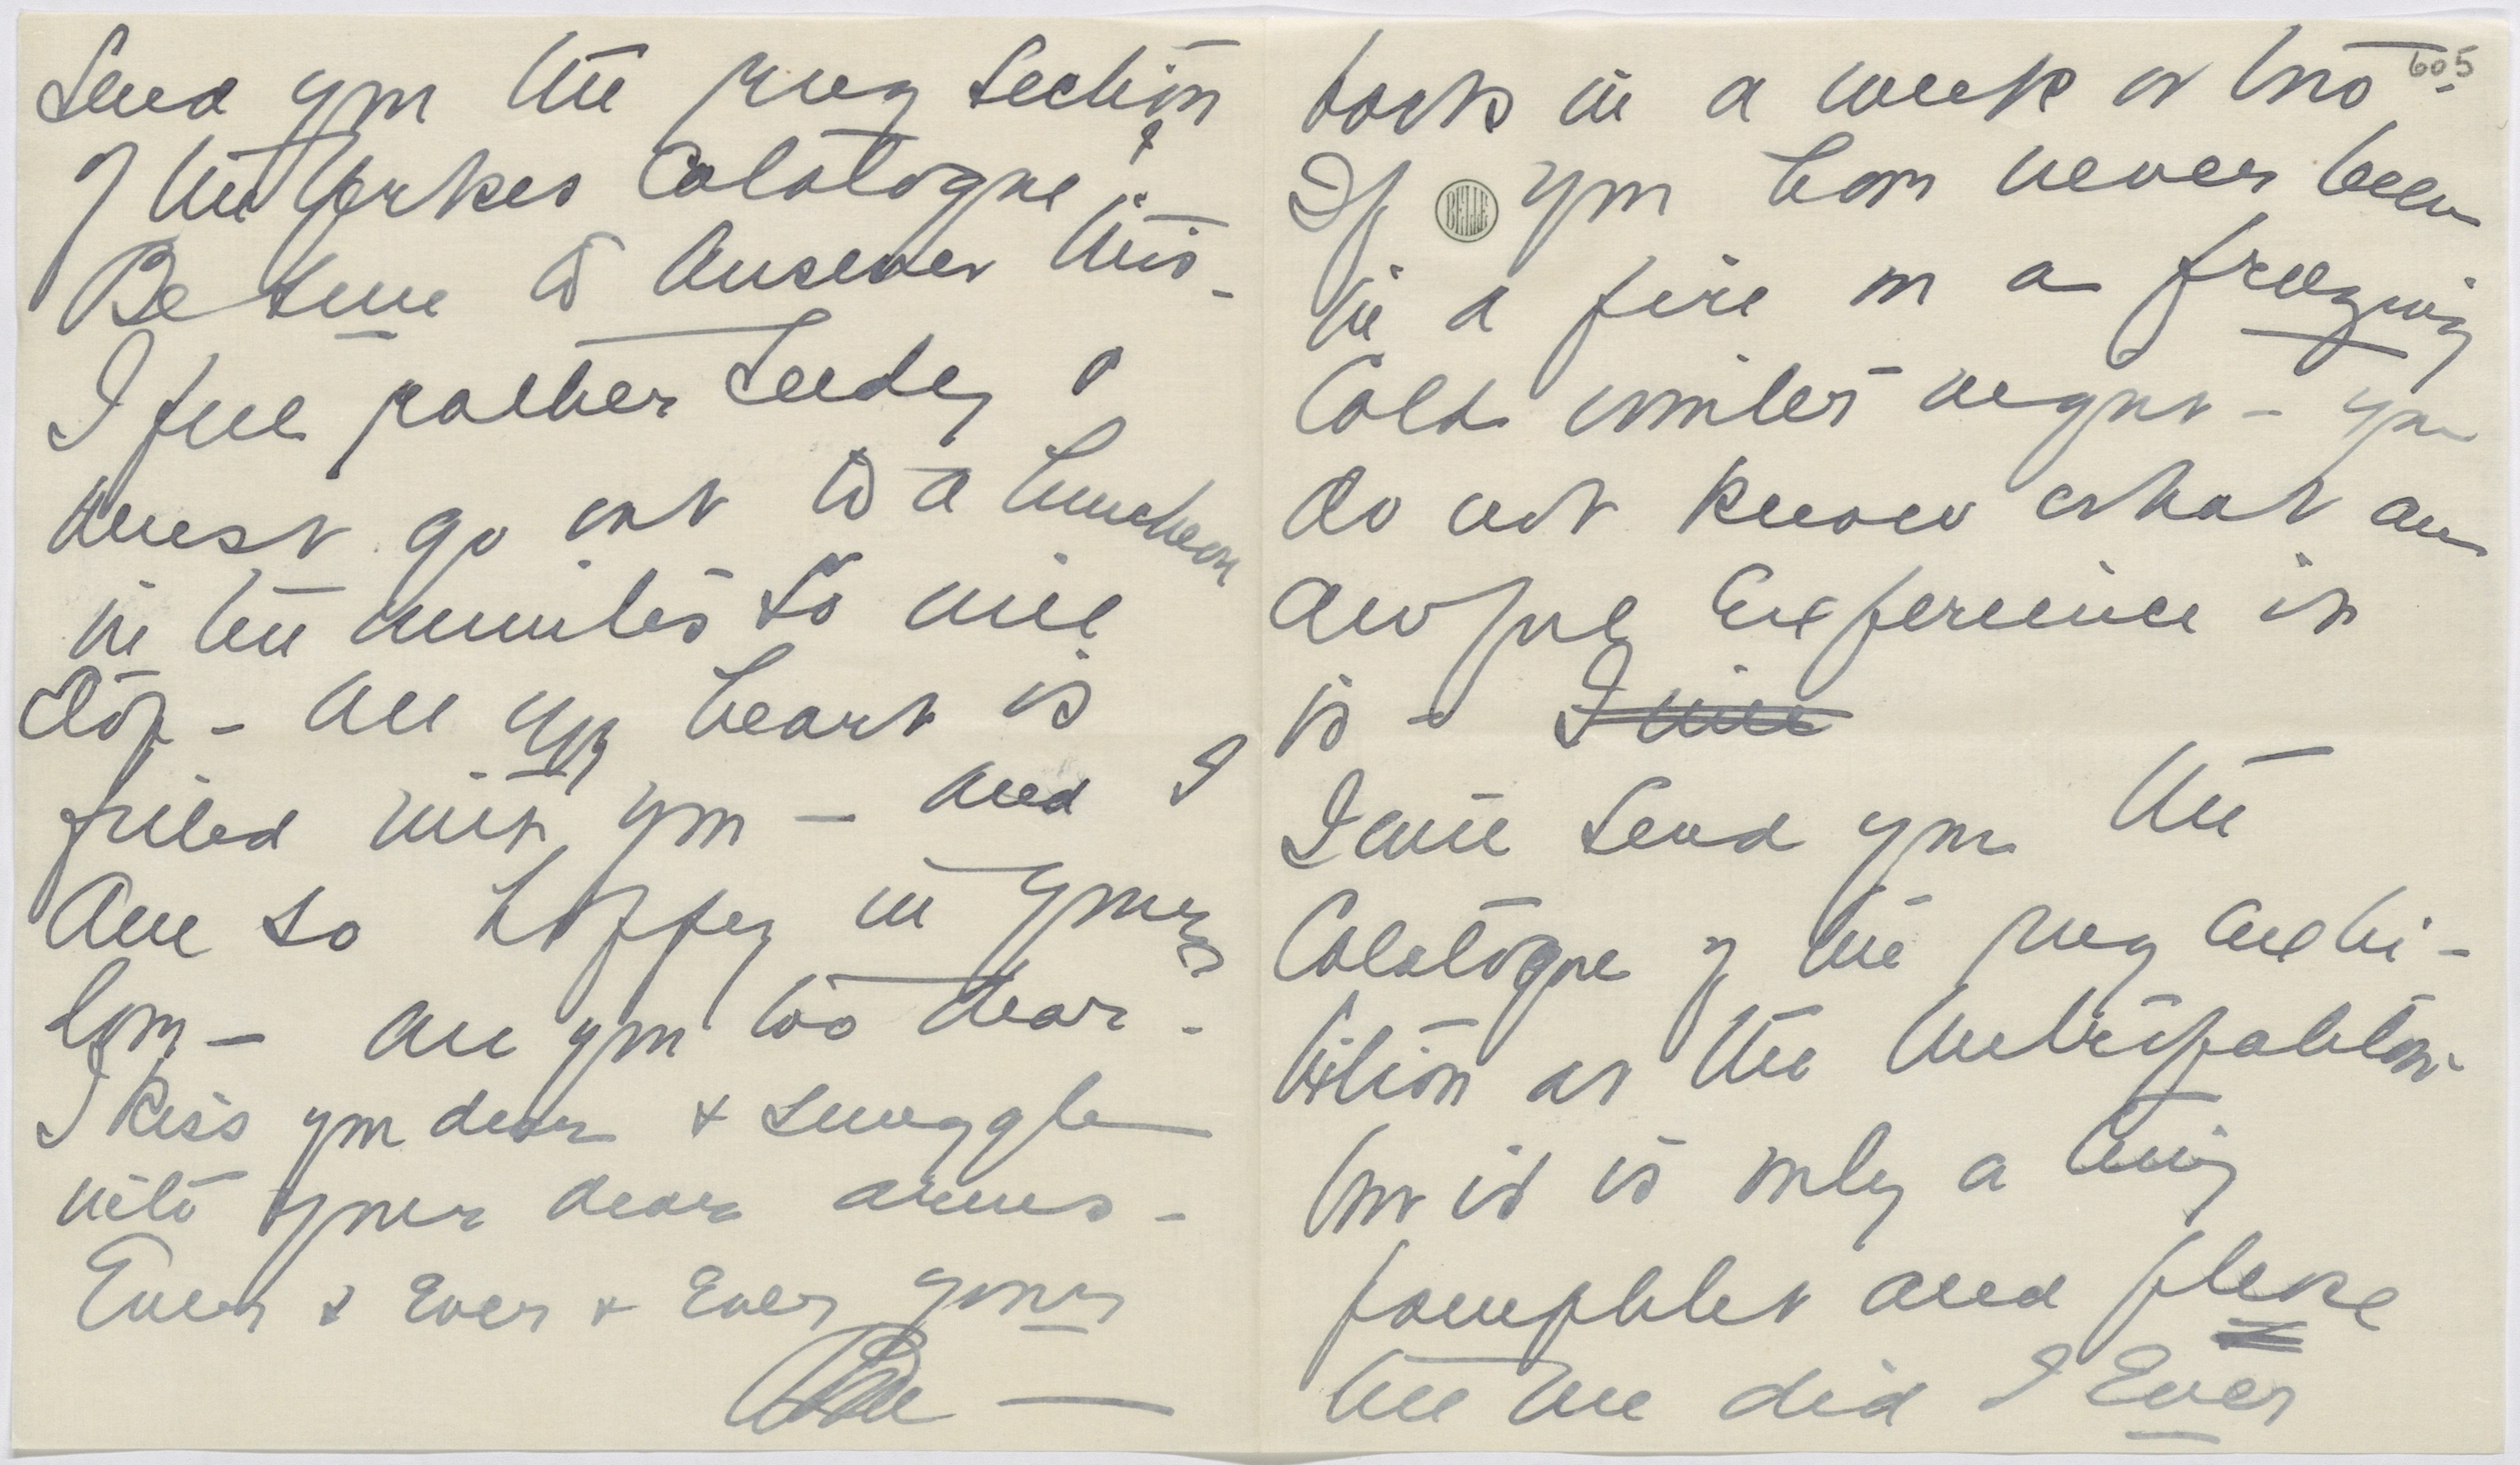back in a week or two – If you have never been in a fire on a freezing cold winter night – you do not know what an awful experience it is – I will
I will send you the Catalogue of the rug exhibition at the Metropolitan – but it is only a tiny pamphlet and [triple underlined: please] tell me did I ever
send you the rug section of the Yerkes Catalogue? Be sure to answer this – I feel rather seedy & must go out to a luncheon in ten minutes so will stop – All my heart is filled with you – and I am so happy in your love – are you too dear? I kiss you dear & snuggle into your dear arms –
Ever & ever & ever your
Belle –